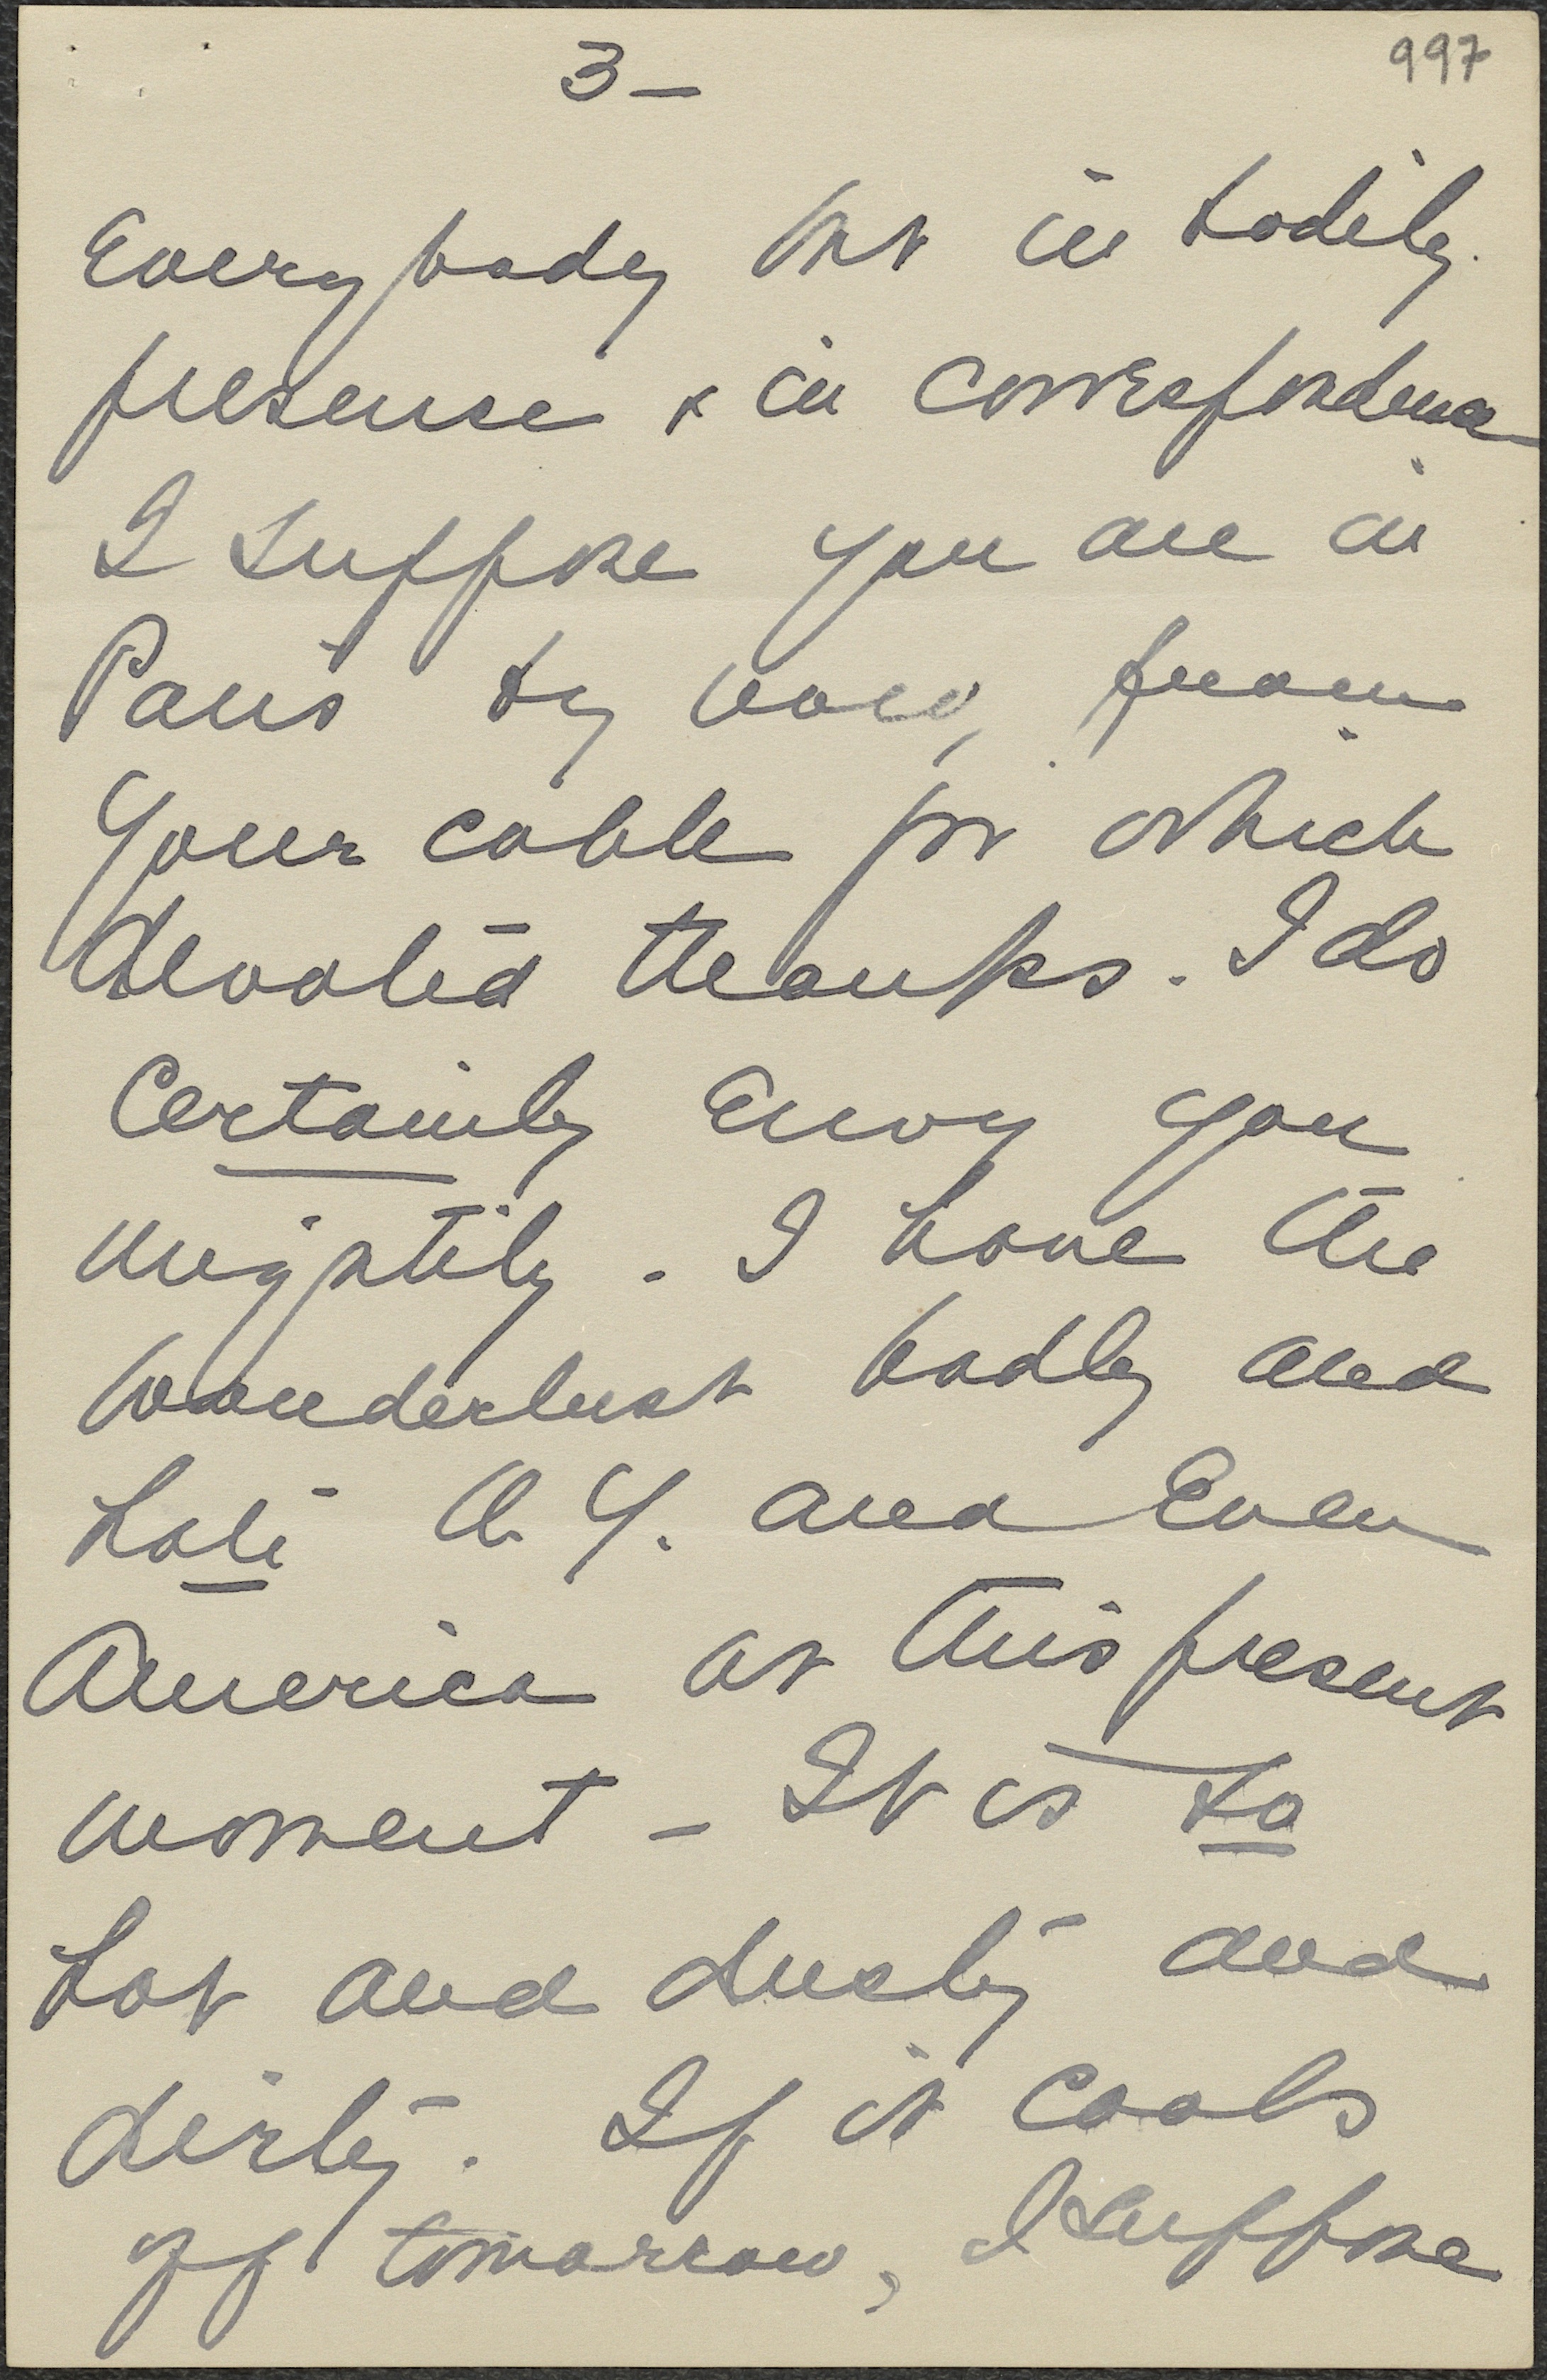everybody but in bodily presence & in correspondence I suppose you are in Paris by now, from your cable for which devoted thanks. I do certainly envy you mightily – I have the wanderlust badly and hate N.Y. and even America at this present moment – It is so hot and dusty and dirty. If it cools off tomorrow, I suppose